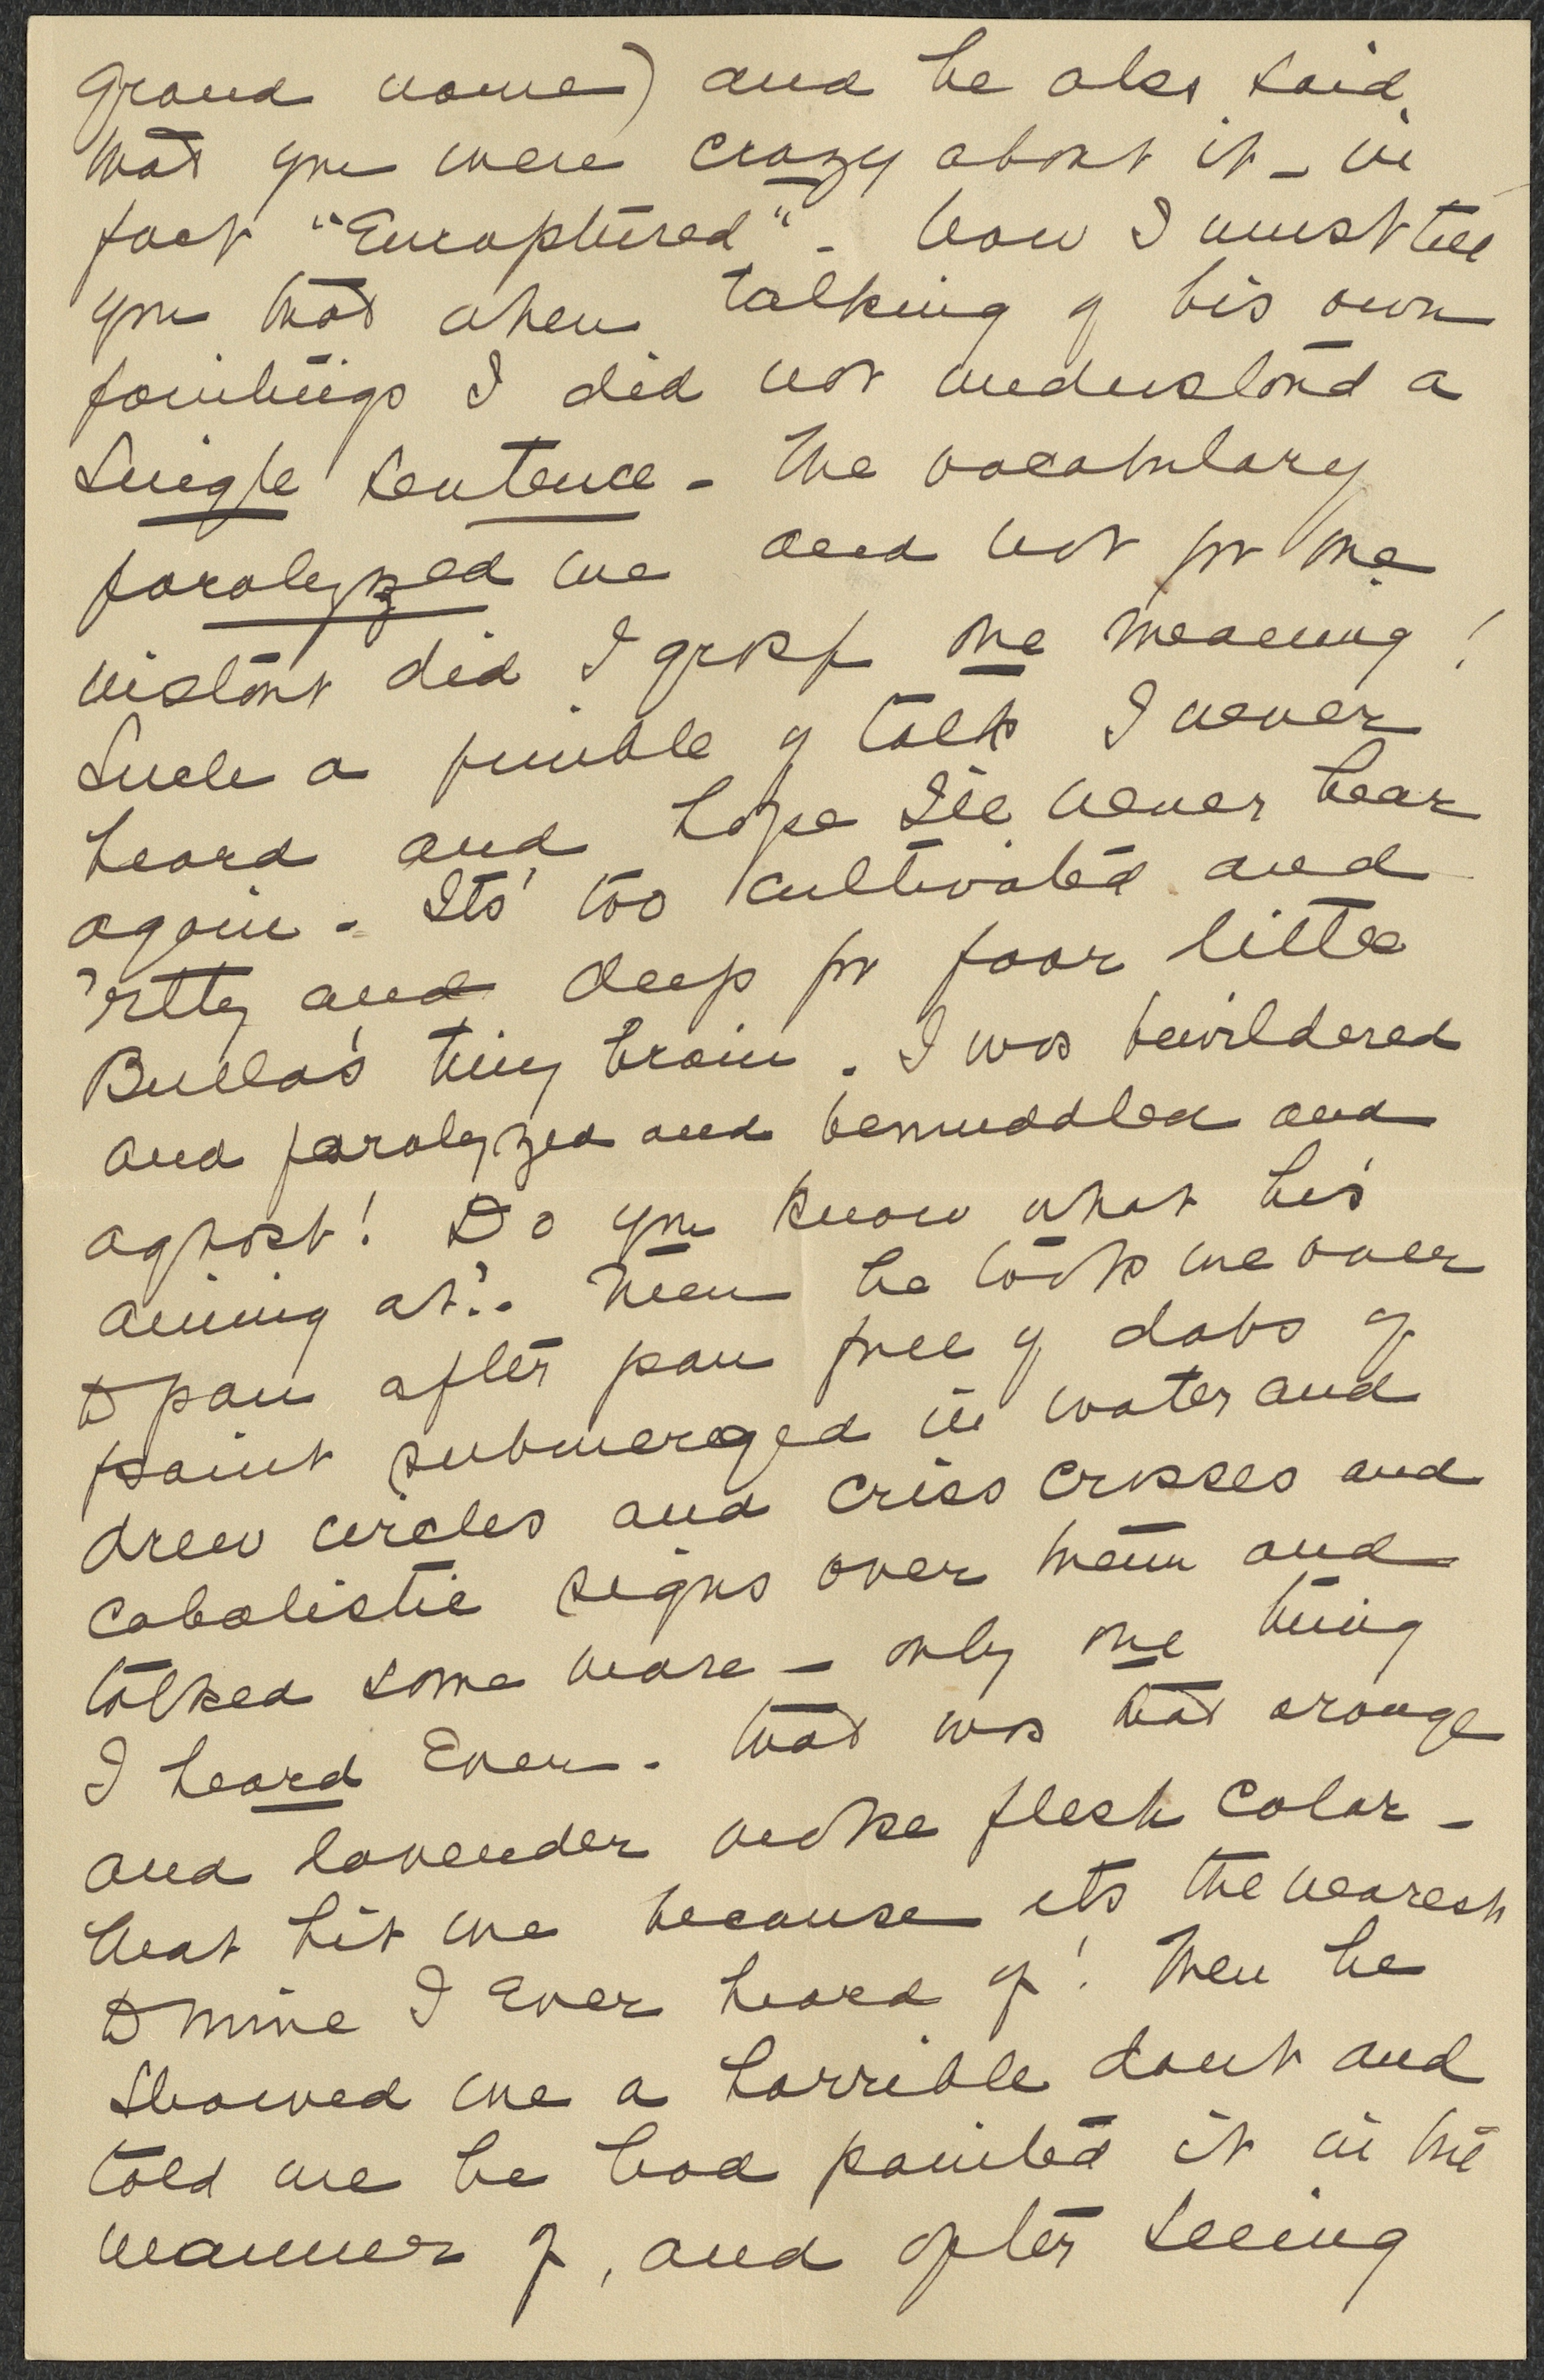grand name) and he also said that you were crazy about it – in fact “enraptured” – how I must tell you that when talking of his own paintings I did not understand a single sentence – the vocabulary paralyzed me and not for one instant did I grasp one meaning! Such a jumble of talk I never heard and hope I’ll never hear again – It’s too cultivated and ‘rtty and deep for poor little Bulla’s tiny brain. I was bewildered and paralyzed and bemuddled and aghast! Do you know what he’s aiming at? – Then he took me over to pan after pan full of dabs of paint submerged in water and drew circles and criss crosses and cabalistic signs over them and talked some more – only one thing I heard even – that was that orange and lavender make flesh color – that hit me because its the nearest to mine I ever heard of! Then he showed me a horrible daub and told me he had painted it in the manner of, and after seeing